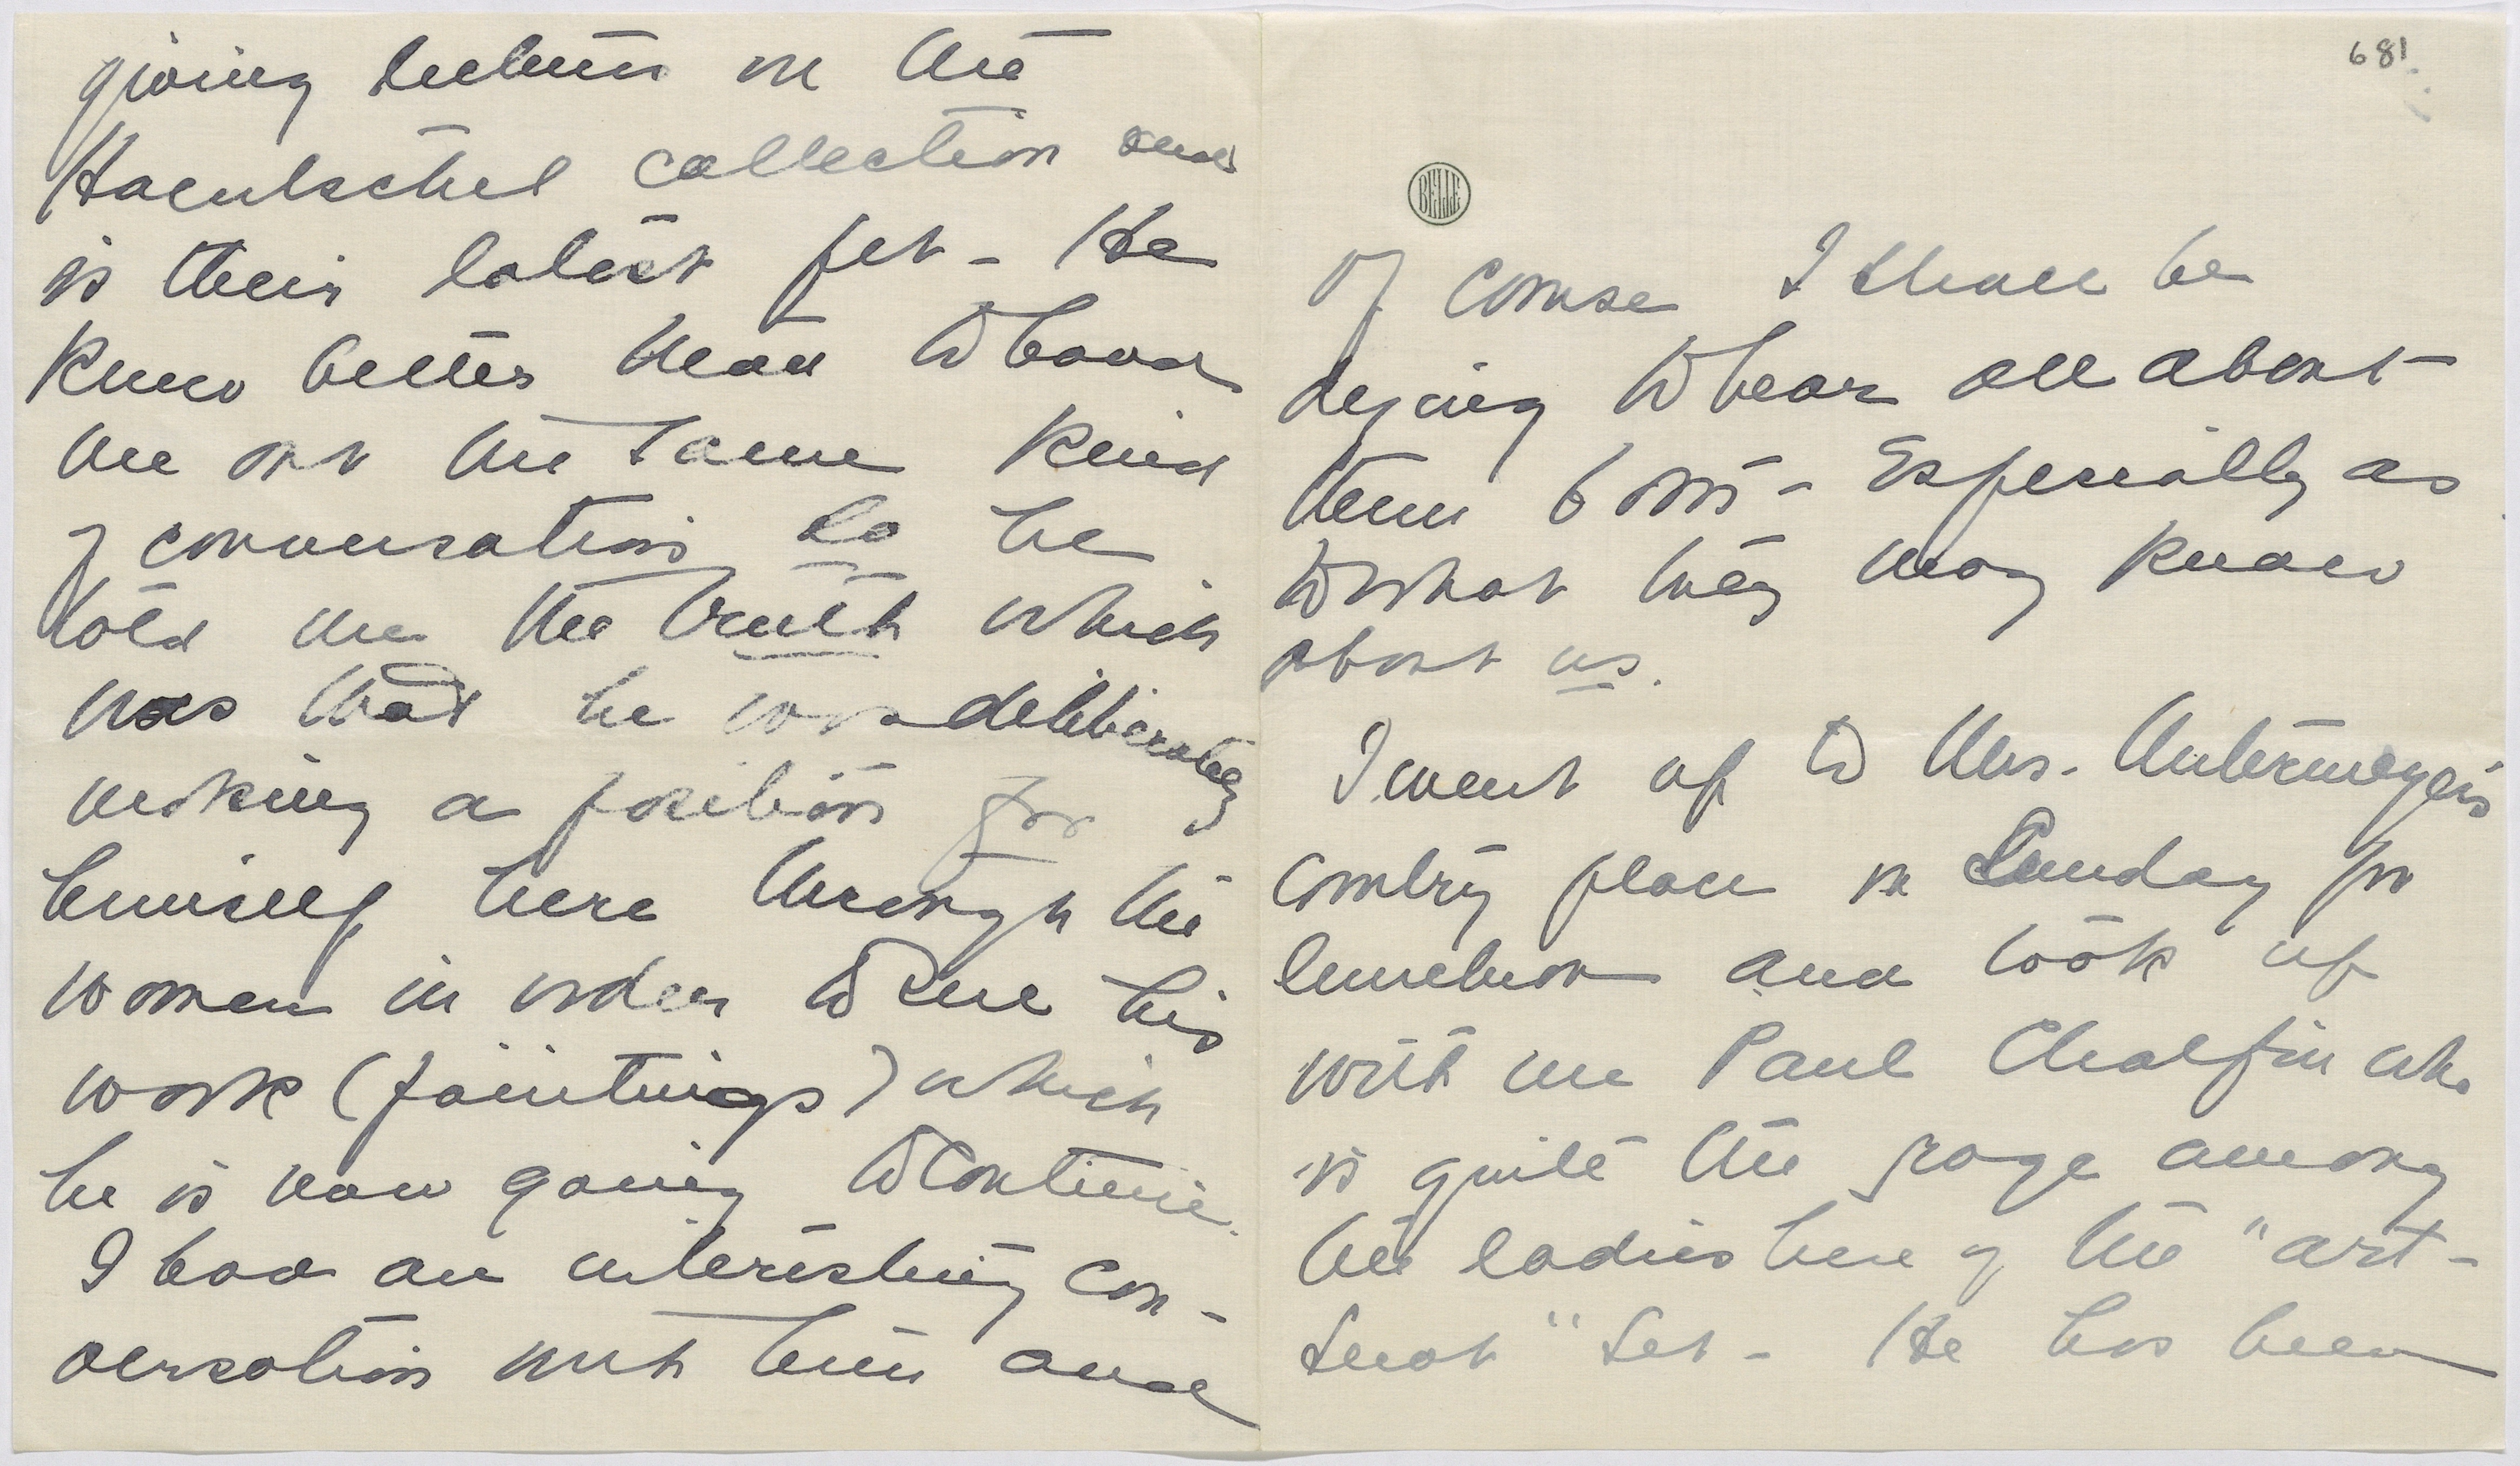of course I shall be dying to hear all about them both – Especially as to what they may know about us.
I went up to Mrs. Untermyer’s country place on Sunday for luncheon and took up with one Paul Chalfin who is quite the rage among the ladies here of the “art-snob” set – He has been
giving luncheon on the Hoentschel collection and is their latest pet – He knew better than to hand me out the same kind of conversations so he told me the truth which was that he was deliberately making a position for himself here through the women in order to sell his work (paintings) which he is now going to continue.
I had an interesting conversation with him and